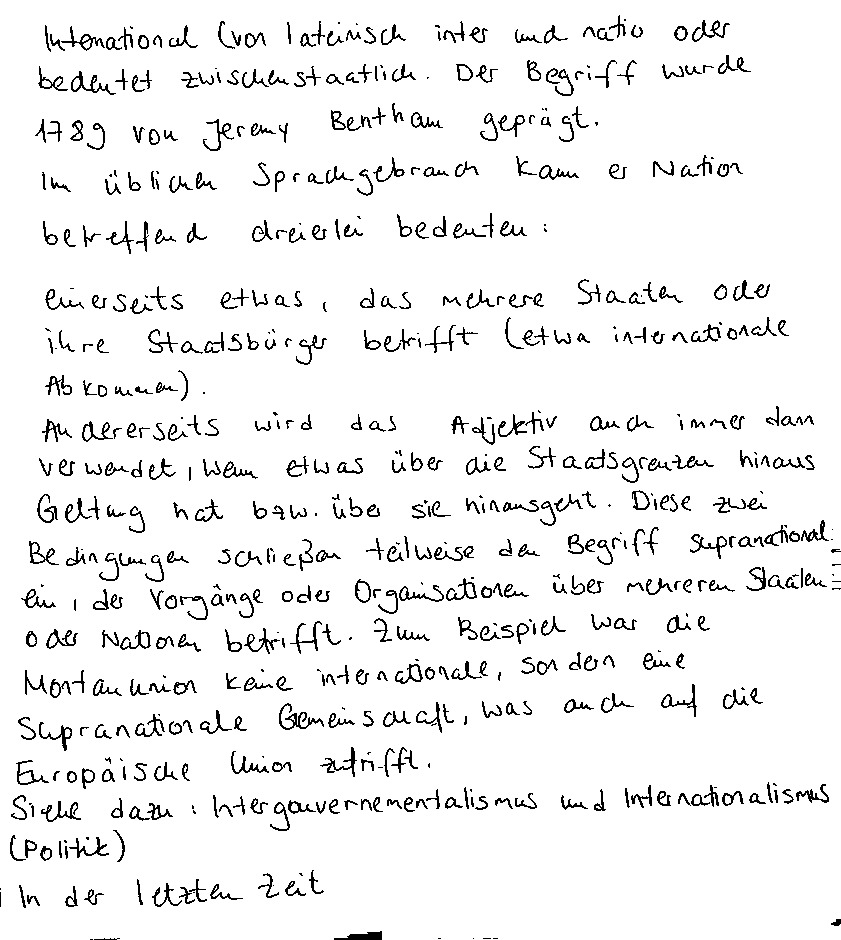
International (von lateinisch inter und natio Oder
bedeutet zwischenstaatlich. Der Begriff wurde
1789 von Jeremy Bentham geprägt.
Im üblichen Sprachgebrauch kann er Nationen
betreffend dreierlei bedeuten:
einerseits etwas, das mehrere Staaten oder
ihre Staatsbürger betrifft (etwa internationale
Abkommen)
Andererseits wird das Adjektiv auch immer dann
verwendet, wenn etwas über die Staatsgrenzen hinaus
Geltung hat bzw. über sie hinausgeht. Diese zwei
Bedeutungen schließen teilweise den Begriff supranational
ein, der Vorgänge oder Organisationen über mehreren Staaten
oder Nationen betrifft. Zum Beispiel War die
Montanunion keine internationale, sondern eine
Supranationale Gemeinschaft, was auch auf die
Europäische Union zutrifft.
Siehe dazu: Intergouvernementalismus und Internationalismus
(Politik)
In der letzten Zeit
